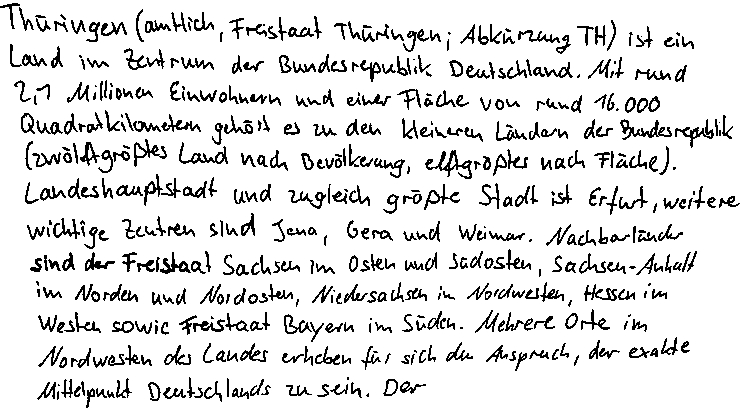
Thüringen (amtlich: Freistaat Thüringen; Abkürzung TH) ist ein
Land im Zentrum der Bundesrepublik Deutschland. Mit rund
2,1 Millionen Einwohnern und einer Fläche von rund 16.000
Quadratkilometern gehört es zu den kleineren Ländern der Bundesrepublik
(zwölftgrößtes Land nach Bevölkerung, elftgrößtes nach Fläche).
Landeshauptstadt und zugleich größte Stadt ist Erfurt, weitere
wichtige Zentren sind Jena, Gera und Weimar. Nachbarländer
sind der Freistaat Sachsen Im Osten und Südosten, Sachsen-Anhalt
im Norden und Nordosten, Niedersachsen im Nordwesten, Hessen im
Westen sowie Freistaat Bayern im Süden. Mehrere Orte im
Nordwesten des Landes erheben für sich den Anspruch, der exakte
Mittelpunkt Deutschlands zu sein. Der
